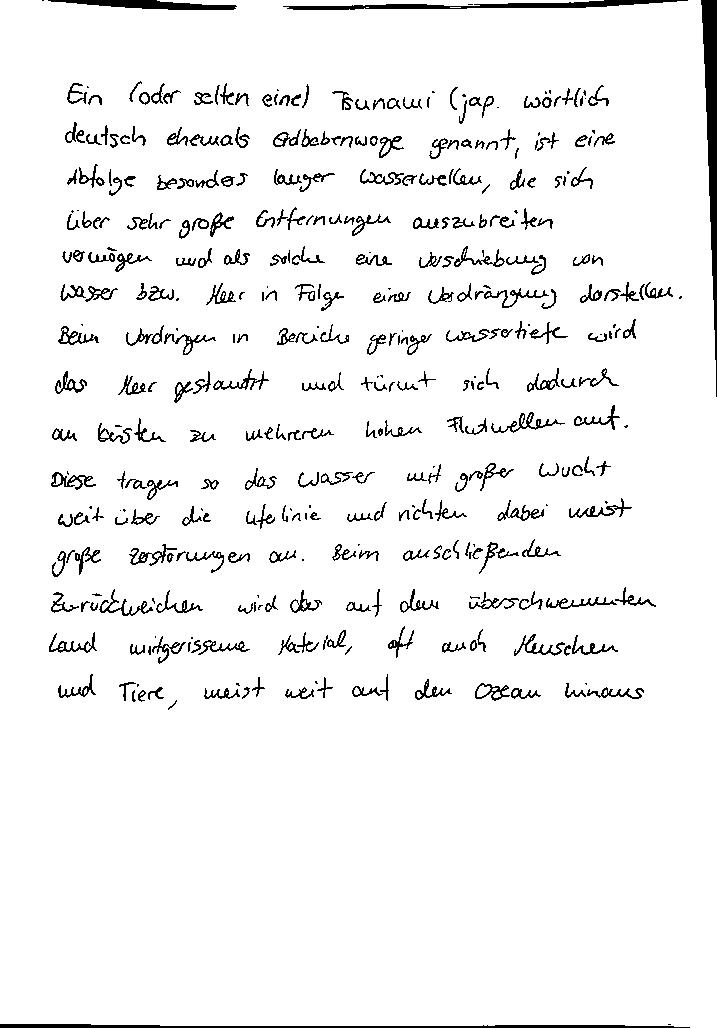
Ein (oder selten eine) Tsunami (jap wörtlich
deutsch ehemals Erdbebenwoge genannt, ist eine
Abfolge besonders langer Wasserwellen, die sich
über sehr große Entfernungen auszubreiten
vermögen und als solche eine Verschiebung von
Wasser bzw. Meer in Folge einer Verdrängung darstellen.
Beim Vordringen in Bereiche geringer Wassertiefe wird
das Meer gestaucht und türmt sich dadurch
an Küsten zu mehreren hohen Flutwellen auf.
Diese tragen so das Wasser mit großer Wucht
weit über die Uferlinie und richten dabei meist
große Zerstörungen an. Beim anschließenden
Zurückweichen wird das auf dem überschwemmten
Land mitgerissene Material, oft auch Menschen
und Tiere, meist weit auf den Ozean hinaus
